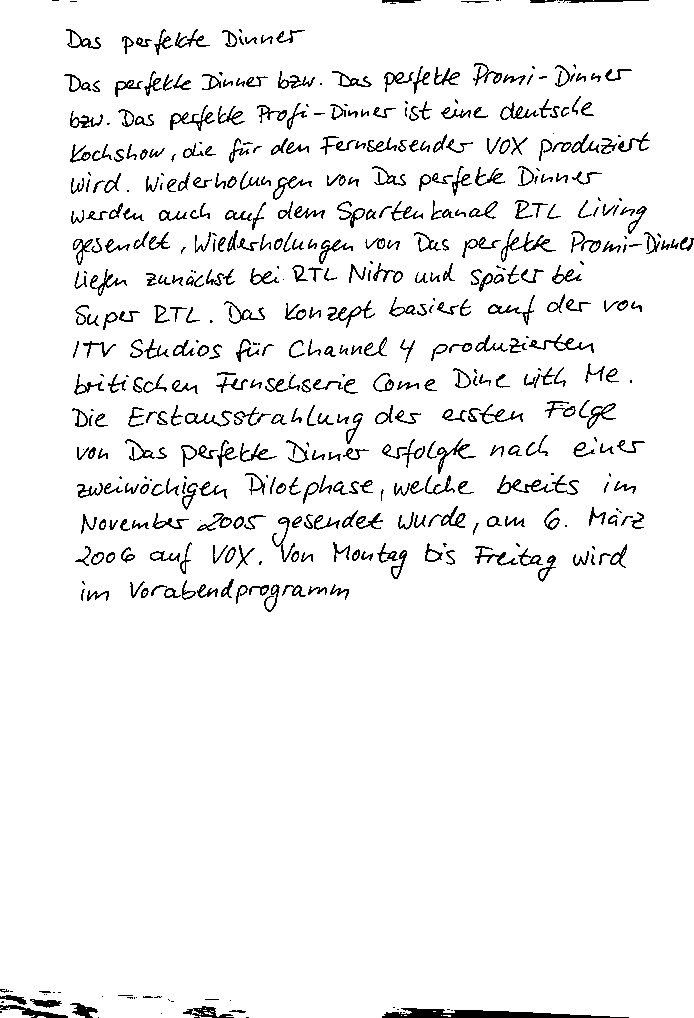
Das perfekte Dinner
Das perfekte Dinner bzw. Das perfekte Promi-Dinner
bzw. Das perfekte Profi-Dinner ist eine deutsche
Kochshow, die für den Fernsehsender VOX produziert
wird. Wiederholungen von Das perfekte Dinner
werden auch auf dem Spartenkanal RTL Living
gesendet, Wiederholungen von Das perfekte Promi-Dinner
liefen zunächst bei RTL Nitro und später bei
Super RTL. Das Konzept basiert auf der Von
ITV Studios für Channel 4 produzierten
britischen Fernsehserie Come Dine with Me.
Die Erstausstrahlung der ersten Folge
von Das perfekte Dinner erfolgte nach einer
zweiwöchigen Pilotphase, welche bereits im
November 2005 gesendet wurde, am 6. März
2006 auf VOX. Von Montag bis Freitag wird
im Vorabendprogramm
